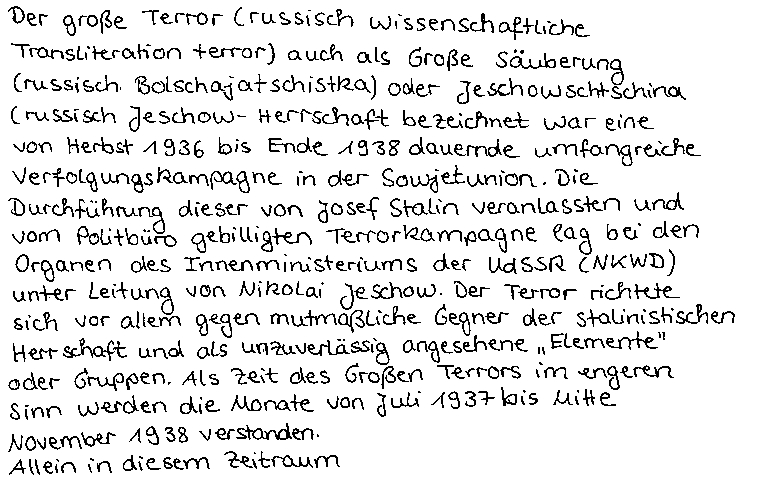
Der Große Terror (russisch wissenschaftliche
Transliteration terror) auch als Große Säuberung
(russisch Bolschaja tschistka) oder Jeschowschtschina
(russisch Jeschow-Herrschaft bezeichnet war eine
von Herbst 1936 bis Ende 1938 dauernde umfangreiche
Verfolgungskampagne in der Sowjetunion. Die
Durchführung dieser von Josef Stalin veranlassten und
vom Politbüro gebilligten Terrorkampagne lag bei den
Organen des Innenministeriums der UdSSR (NKWD)
unter Leitung von Nikolai Jeschow. Der Terror richtete
sich vor allem gegen mutmaßliche Gegner der stalinistischen
Herrschaft und als unzuverlässig angesehene "Elemente"
oder Gruppen. Als Zeit des Großen Terrors im engeren
Sinn werden die Monate von Juli 1937 bis Mitte
November 1938 verstanden.
Allein in diesem Zeitraum
